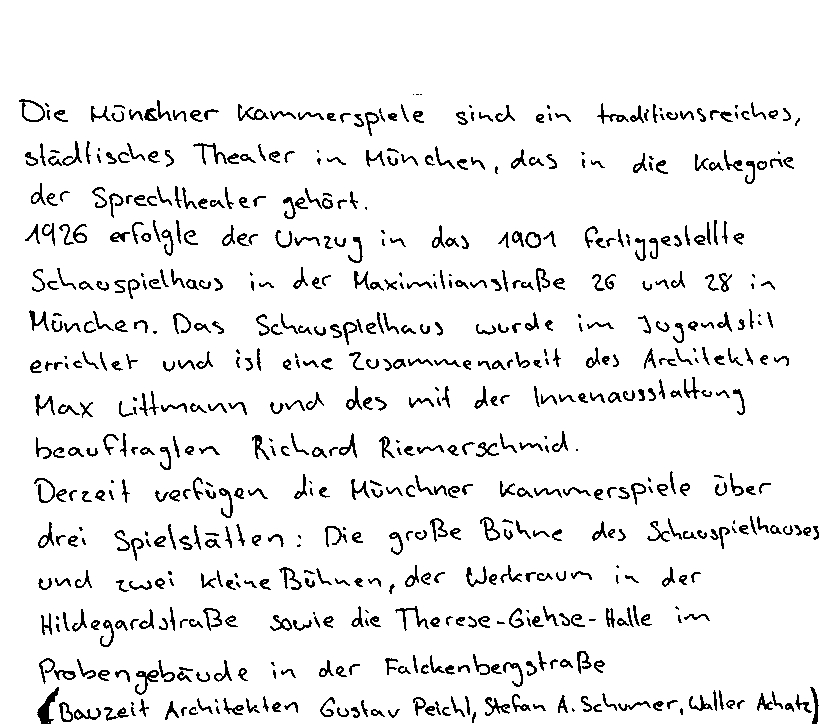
Die Münchner Kammerspiele sind ein traditionsreiches,
städtisches Theater in München, das in die Kategorie
der Sprechtheater gehört.
1926 erfolgte der Umzug in das 1901 fertiggestellte
chauspielhaus in der Maximilianstraße 26 und 28 in
München. Das Schauspielhaus wurde im Jugendstil
errichtet und ist eine Zusammenarbeit des Architekten
Max Littmann und des mit der Innenausstattung
beauftragten Richard Riemerschmid.
Derzeit verfügen die Münchner Kammerspiele über
drei Spielstätten: Die große Bühne des Schauspielhauses
und zwei kleine Bühnen, der Werkraum in der
Hildegardstraße sowie die Therese-Giehse-Halle im
Probengebäude in der Falckenbergstraße
Bauzeit Architekten Gustav Peichl, Stefan A. Schumer, Walter Achatz)
